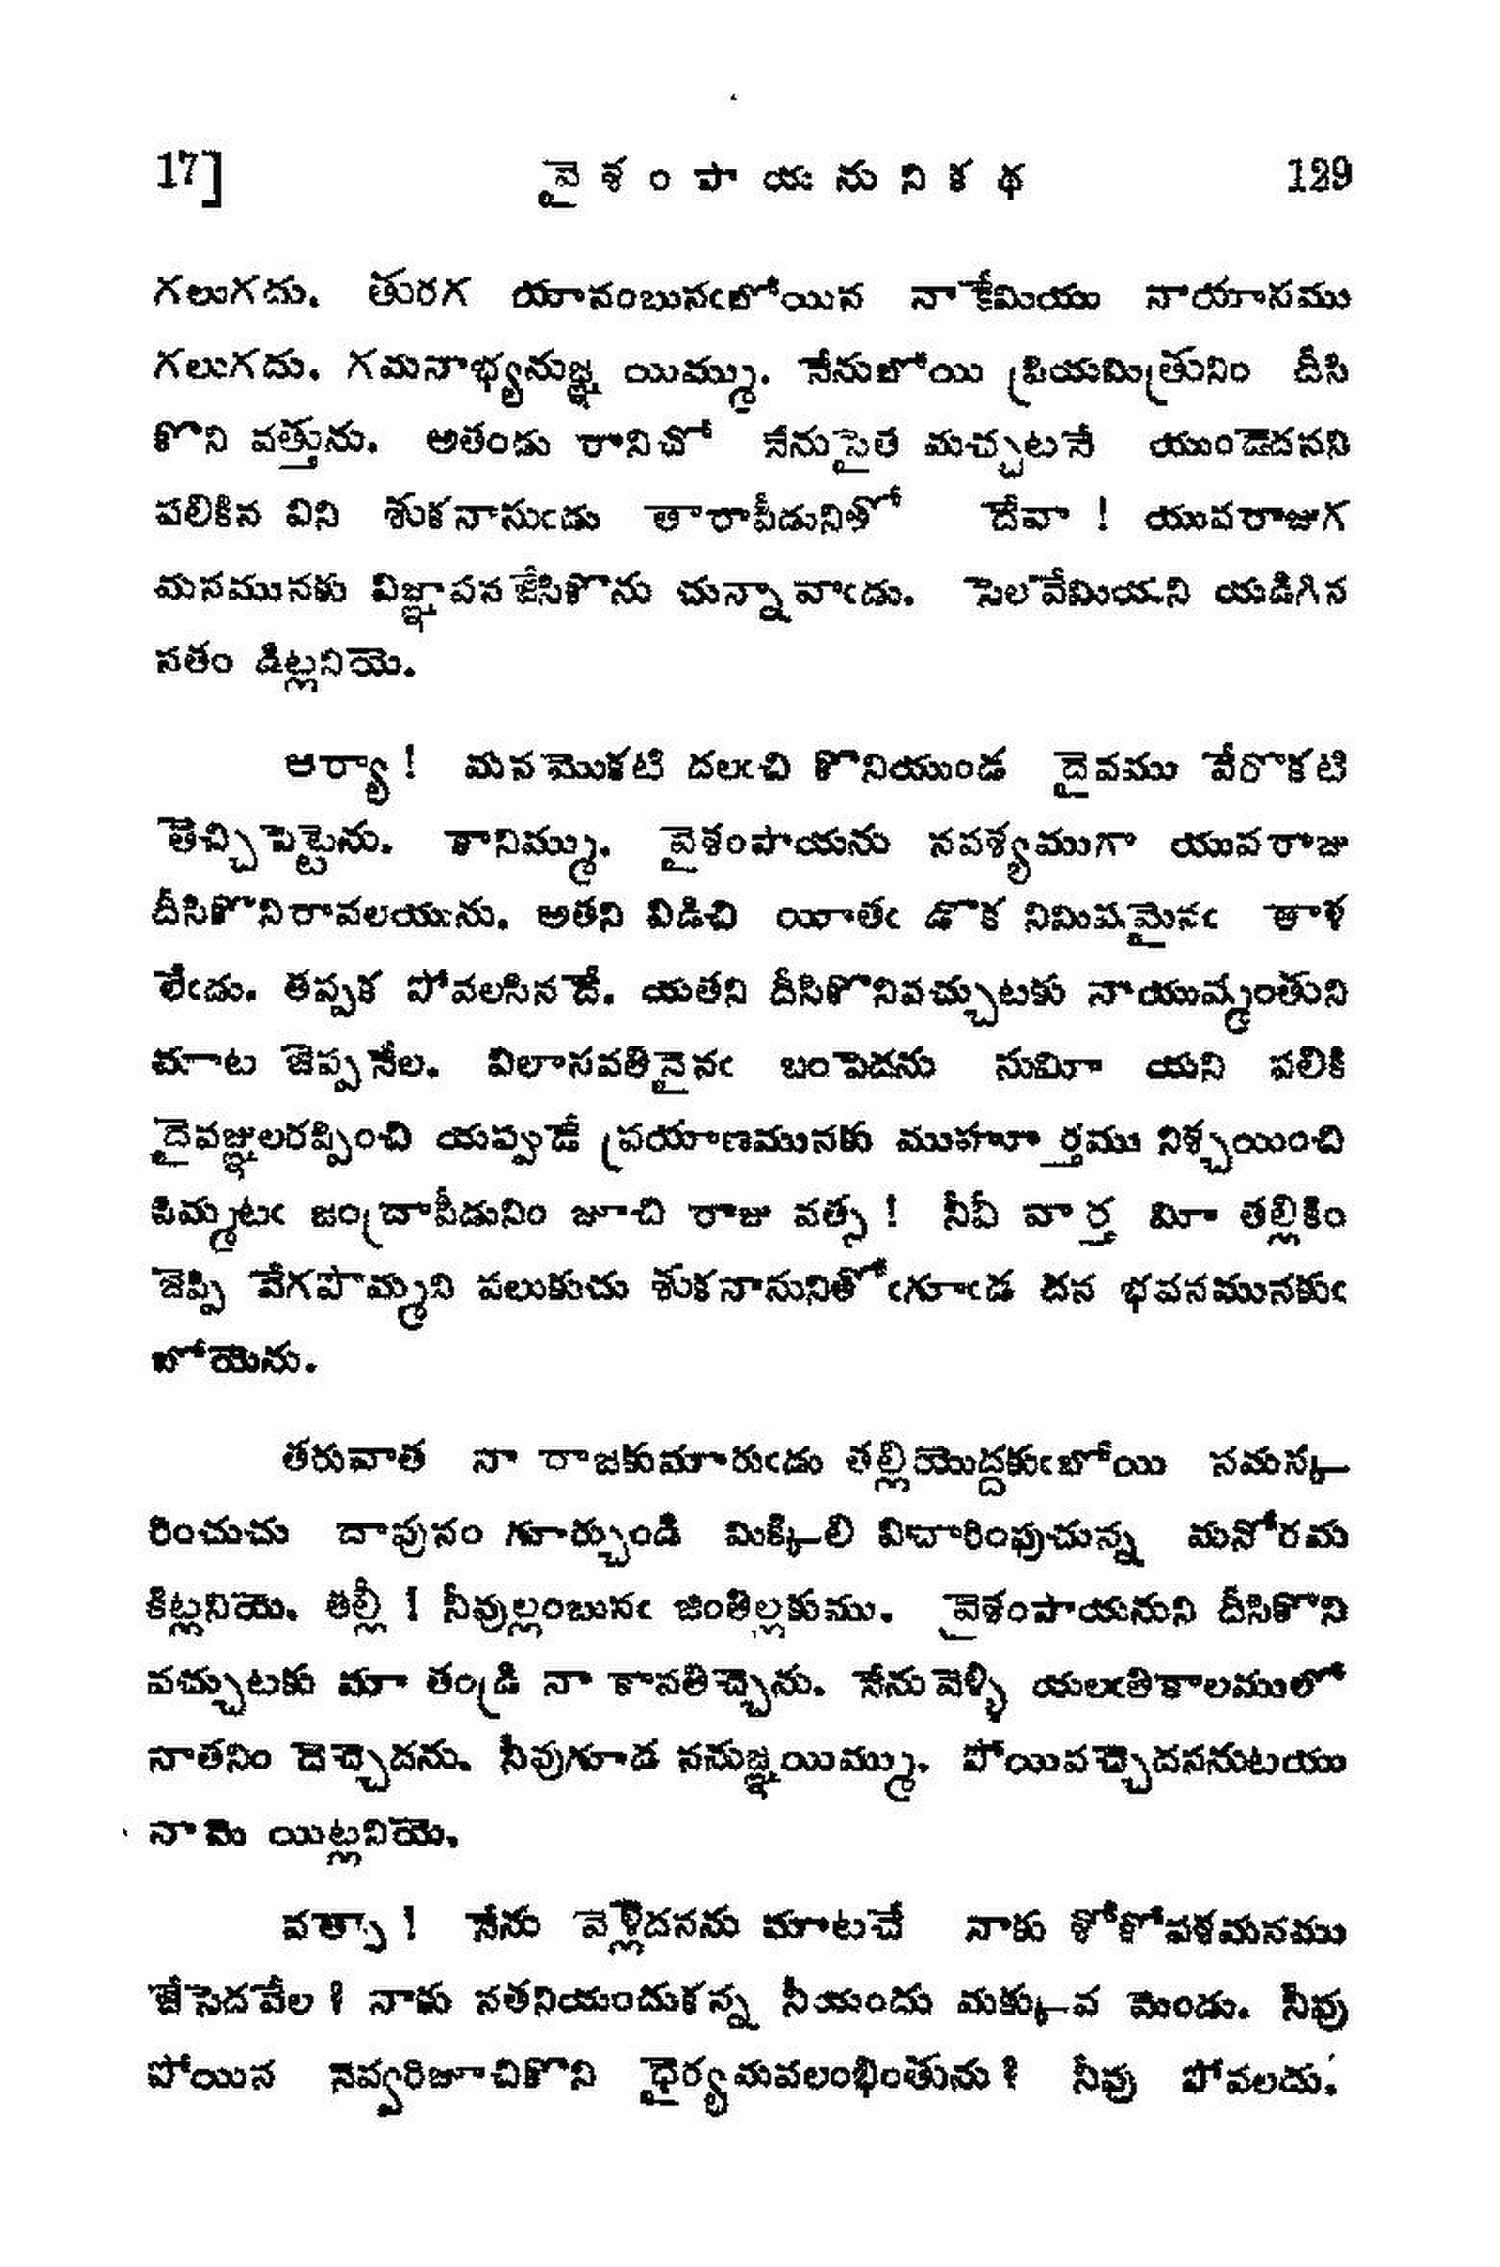గలుగదు. తురగ యావంబునఁబోయిన నాకేమియు నాయాసము గలుగదు. గమనాభ్యనుజ్ఞ యిమ్ము. నేనుబోయి ప్రియమిత్రునిం దీసికొని వత్తును. అతండు రానిచో నేనుసైత మచ్చటనే యుండెదనని పలికిన విని శుకనాసుఁడు తారాపీడునితో దేవా! యువరాజుగ మనమునకు విజ్ఞాపనజేసికొను చున్నవాఁడు. సెలవేమియని యడిగిన నతం డిట్లనియె.

ఆర్యా! మనమొకటి దలఁచి కొనియుండ దైవము వేరొకటి తెచ్చిపెట్టెను. కానిమ్ము. వైశంపాయను నవశ్యముగా యువరాజు దీసికొనిరావలయును. అతని విడిచి యీతఁ డొక నిమిషమైనఁ తాళలేఁడు. తప్పక పోవలసినదే. యతని దీసికొనివచ్చుటకు నాయుష్మంతుని మాట జెప్పనేల. విలాసవతినైనఁ బంపెదను సుమీ యని పలికి దైవజ్ఞులరప్పించి యప్పుడే ప్రయాణమునకు ముహూర్తము నిశ్చయించి పిమ్మటఁ జంద్రాపీడునిం జూచి రాజు వత్స! నీవీ వార్త మీ తల్లికిం జెప్పి వేగపొమ్మని పలుకుచు శుకనాసునితోఁగూఁడ దన భవనమునకుఁ బోయెను.

తరువార నా రాజకుమారుఁడు తల్లియొద్దకుఁబోయి నమస్కరించుచు దాపునం గూర్చుండి మిక్కిలి విచారింపుచున్న మనోరమ కిట్లనియె. తల్లీ! నీవుల్లంబునఁ జింతిల్లకుము. వైశంపాయనుని దీసికొని వచ్చుటకు మా తండ్రి నా కానతిచ్చెను. నేనువెళ్ళి యలఁతికాలములో నాతనిం దెచ్చెదను. నీవుగూడ ననుజ్ఞయిమ్ము. పోయివచ్చెదననుటయు నామె యిట్లనియె.

వత్సా! నేను వెళ్ళెదనను మాటచే నాకు శోకోవశమనము జేసెదవేల? నాకు నతనియందుకన్న నీయందు మక్కువ మెండు. నీవు పోయిన నెవ్వరిజూచికొని ధైర్యమవలంభింతును? నీవు పోవలదు.